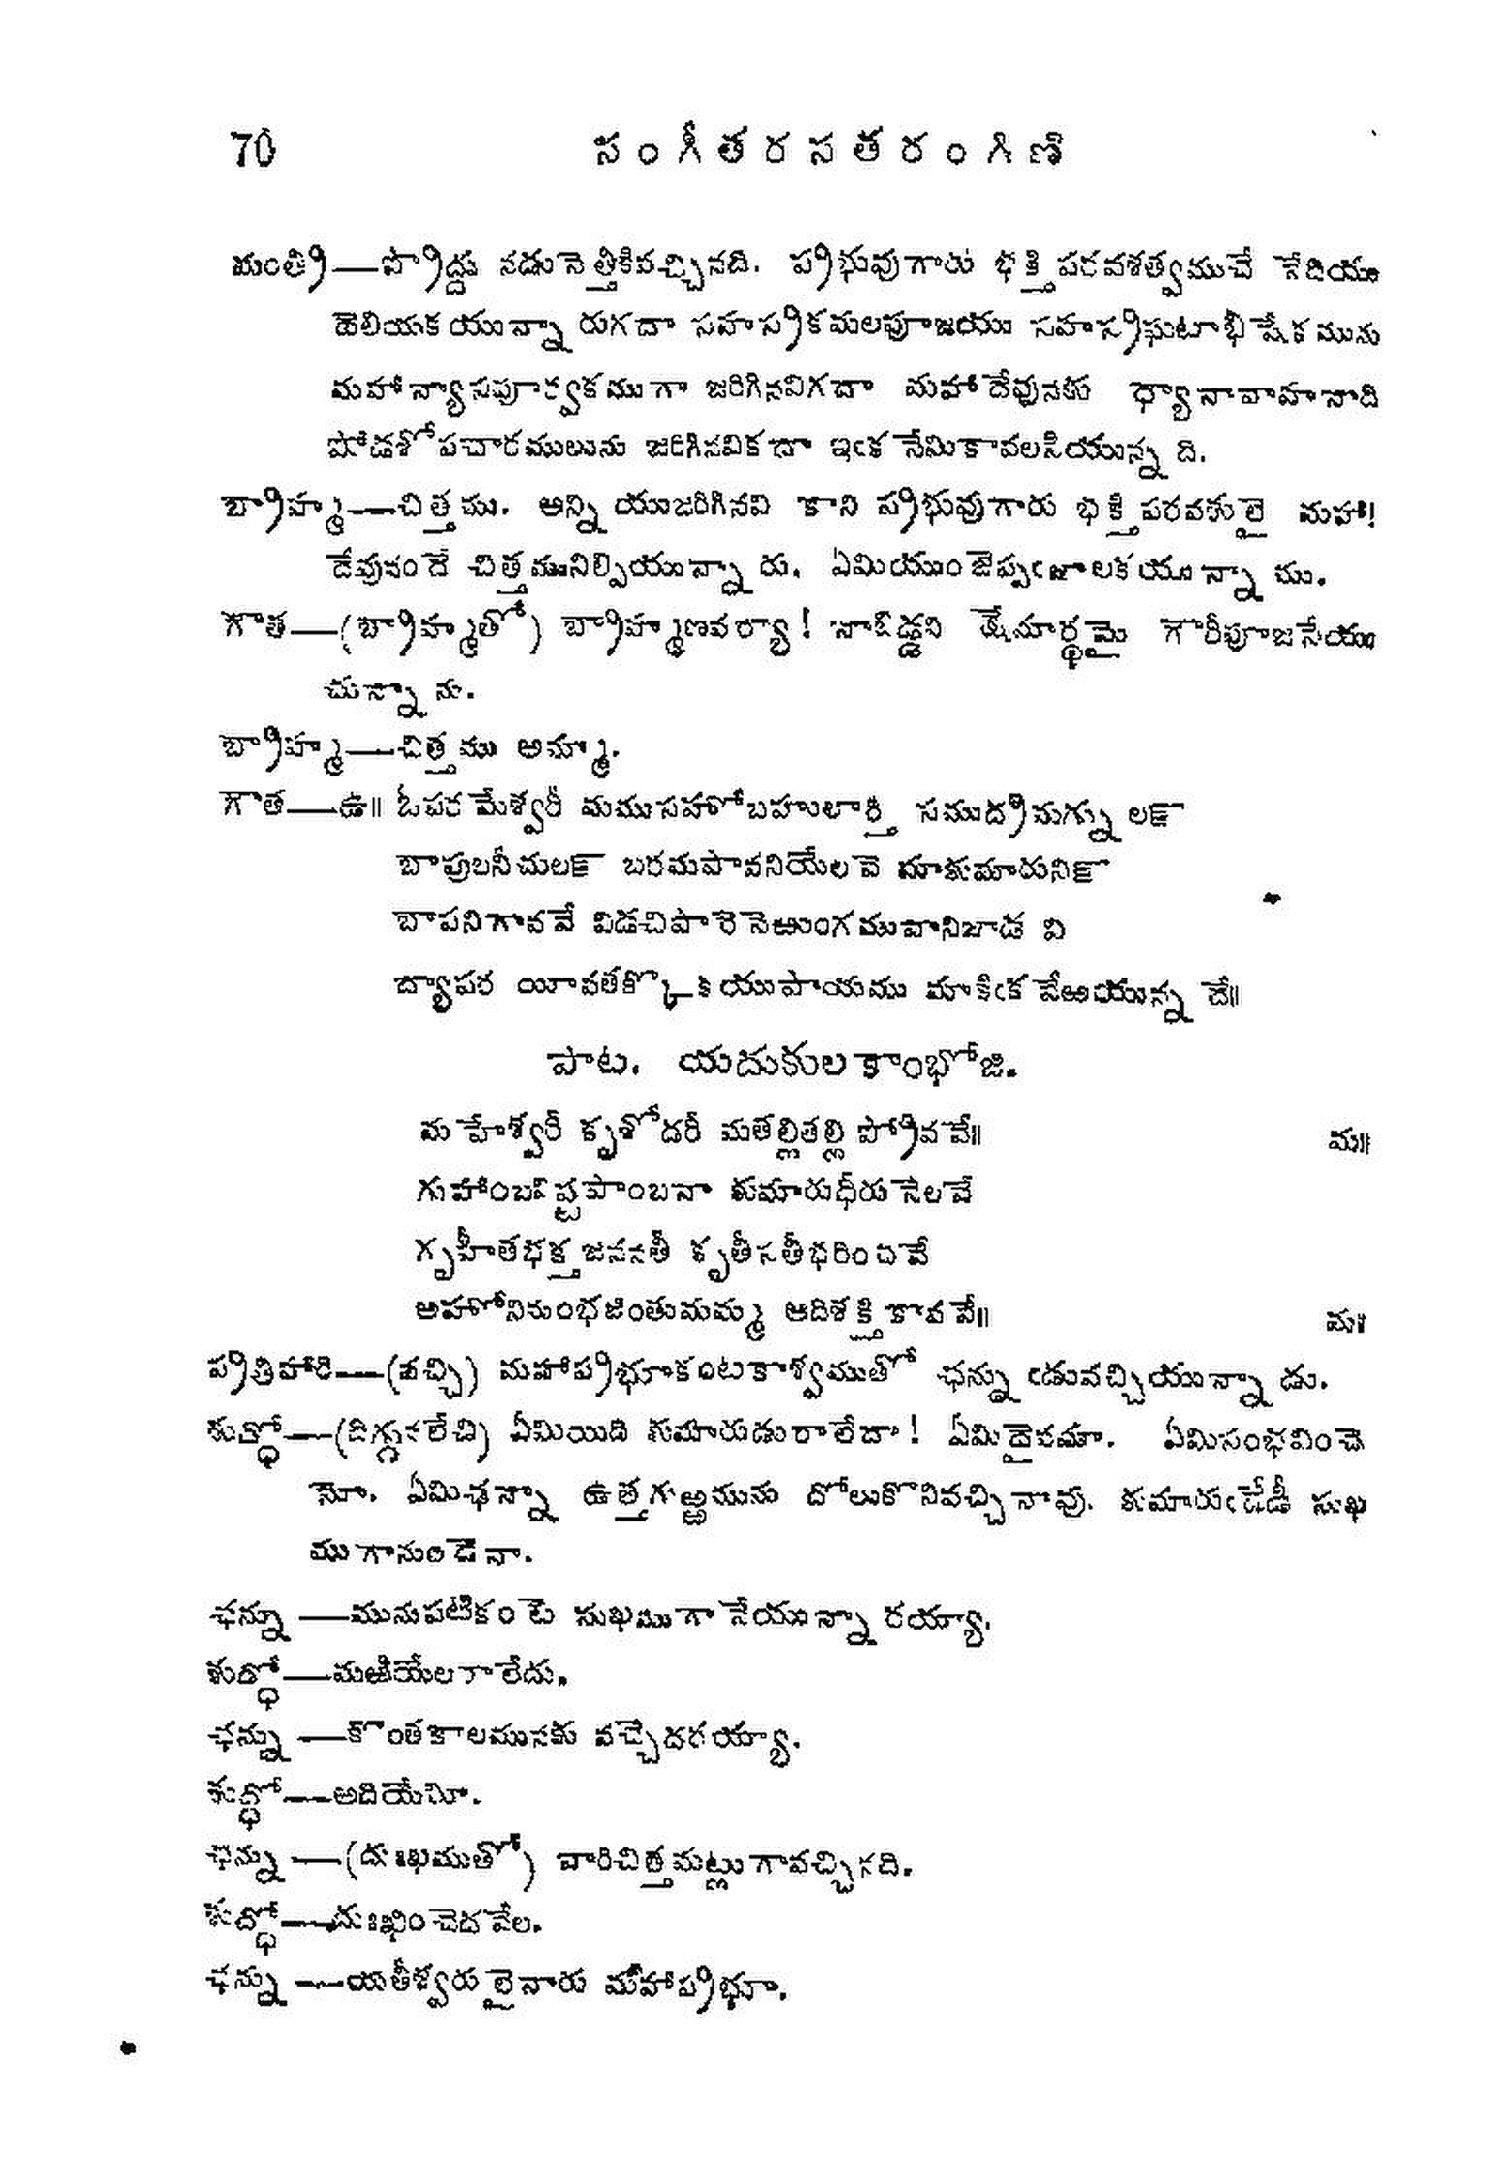మంత్రి — పొద్దు నడు నెత్తికివచ్చినది. ప్రభువుగారు భక్తి పరవశత్వముచే నేదియు దెలియయున్నరుగదా సహాస్రకమలపూజయు సహస్రఘటాభిషేకమును మహాన్యాసపూర్వకముగా జరిగినవిగదా మహాదేవునకు ధ్యానావాహనాది షోడశోపచారములును జరిగినవికదా 
ఇంకనేమికావలసియున్నది.

బ్రాహ్మ - చిత్తము. అన్నియుజరిగినవి కాని ప్రభువుగారు భక్తి పరవశులై మహా! దేవునందే చిత్తమునిల్పియున్నారు. 
ఏమియుంజెప్పఁజాలక యున్నాము.

గౌత — (బ్రాహ్మణో) బ్రాహ్మణవర్యా! నాబిడ్డని క్షేమార్థమై గౌరీపూజసేయు చున్నాను.

బ్రాహ్మ - చిత్తము అమ్మా.

గౌత — ఉ॥ ఓపరమేశ్వరీ మముసహోబహులార్తి సముద్రమగ్నుల౯ 
బావులనీచుల౯ బరమపావనియేలవె మాకుమారుని౯
బాపనిగావవే విడచిపారెనెఱుంగము వానిజాడ ని 
ద్యాపర యీవతక్కొక యుపాయము మాకింకవేఱయున్న దే॥ 

మహేశ్వరీ కృశోదరీ మతల్లితల్లి ప్రోవవే॥
గుహాంబష్టపాంబనా కుమారుధీరునేలవే ॥మ॥ 
గృహీతభక్త జననతీ కృతీసతీభరించివే
ఆహోనిరంభజింతుమమ్మ ఆదిశక్తి కావవే॥ ॥మ॥  

ప్రతిహారి - (వచ్చి) మహాప్రభూకంటకాశ్వముతో ఛన్నుండువచ్చియున్నాడు.

శుద్ధో — (దిగ్గునలేచి) ఏమియిది కుమారుడురాలేదా! ఏమిదైవమా. ఏమిసంభవించెనొ. ఏమిఛన్నా ఉత్తగఱ్ఱమును దోలుకొనివచ్చినావు. కుమారుఁడెడీ సుఖముగానుండెనా.

ఛన్ను — మునుపటికంటె సుఖముగానేయున్నారయ్యా.

శుద్ధో — మఱియేలరాలేదు.

ఛన్ను - కొంతకాలమునకు వచ్చేదరయ్యా.

శుద్ధో - అదియేమి.

ఛన్ను - (దుఖముతో) వారిచిత్తమట్లుగావచ్చినది.

శుద్ధో - దుఖించెదవేల.

ఛన్ను - యతీశ్వరులైనారు మహాప్రభూ.